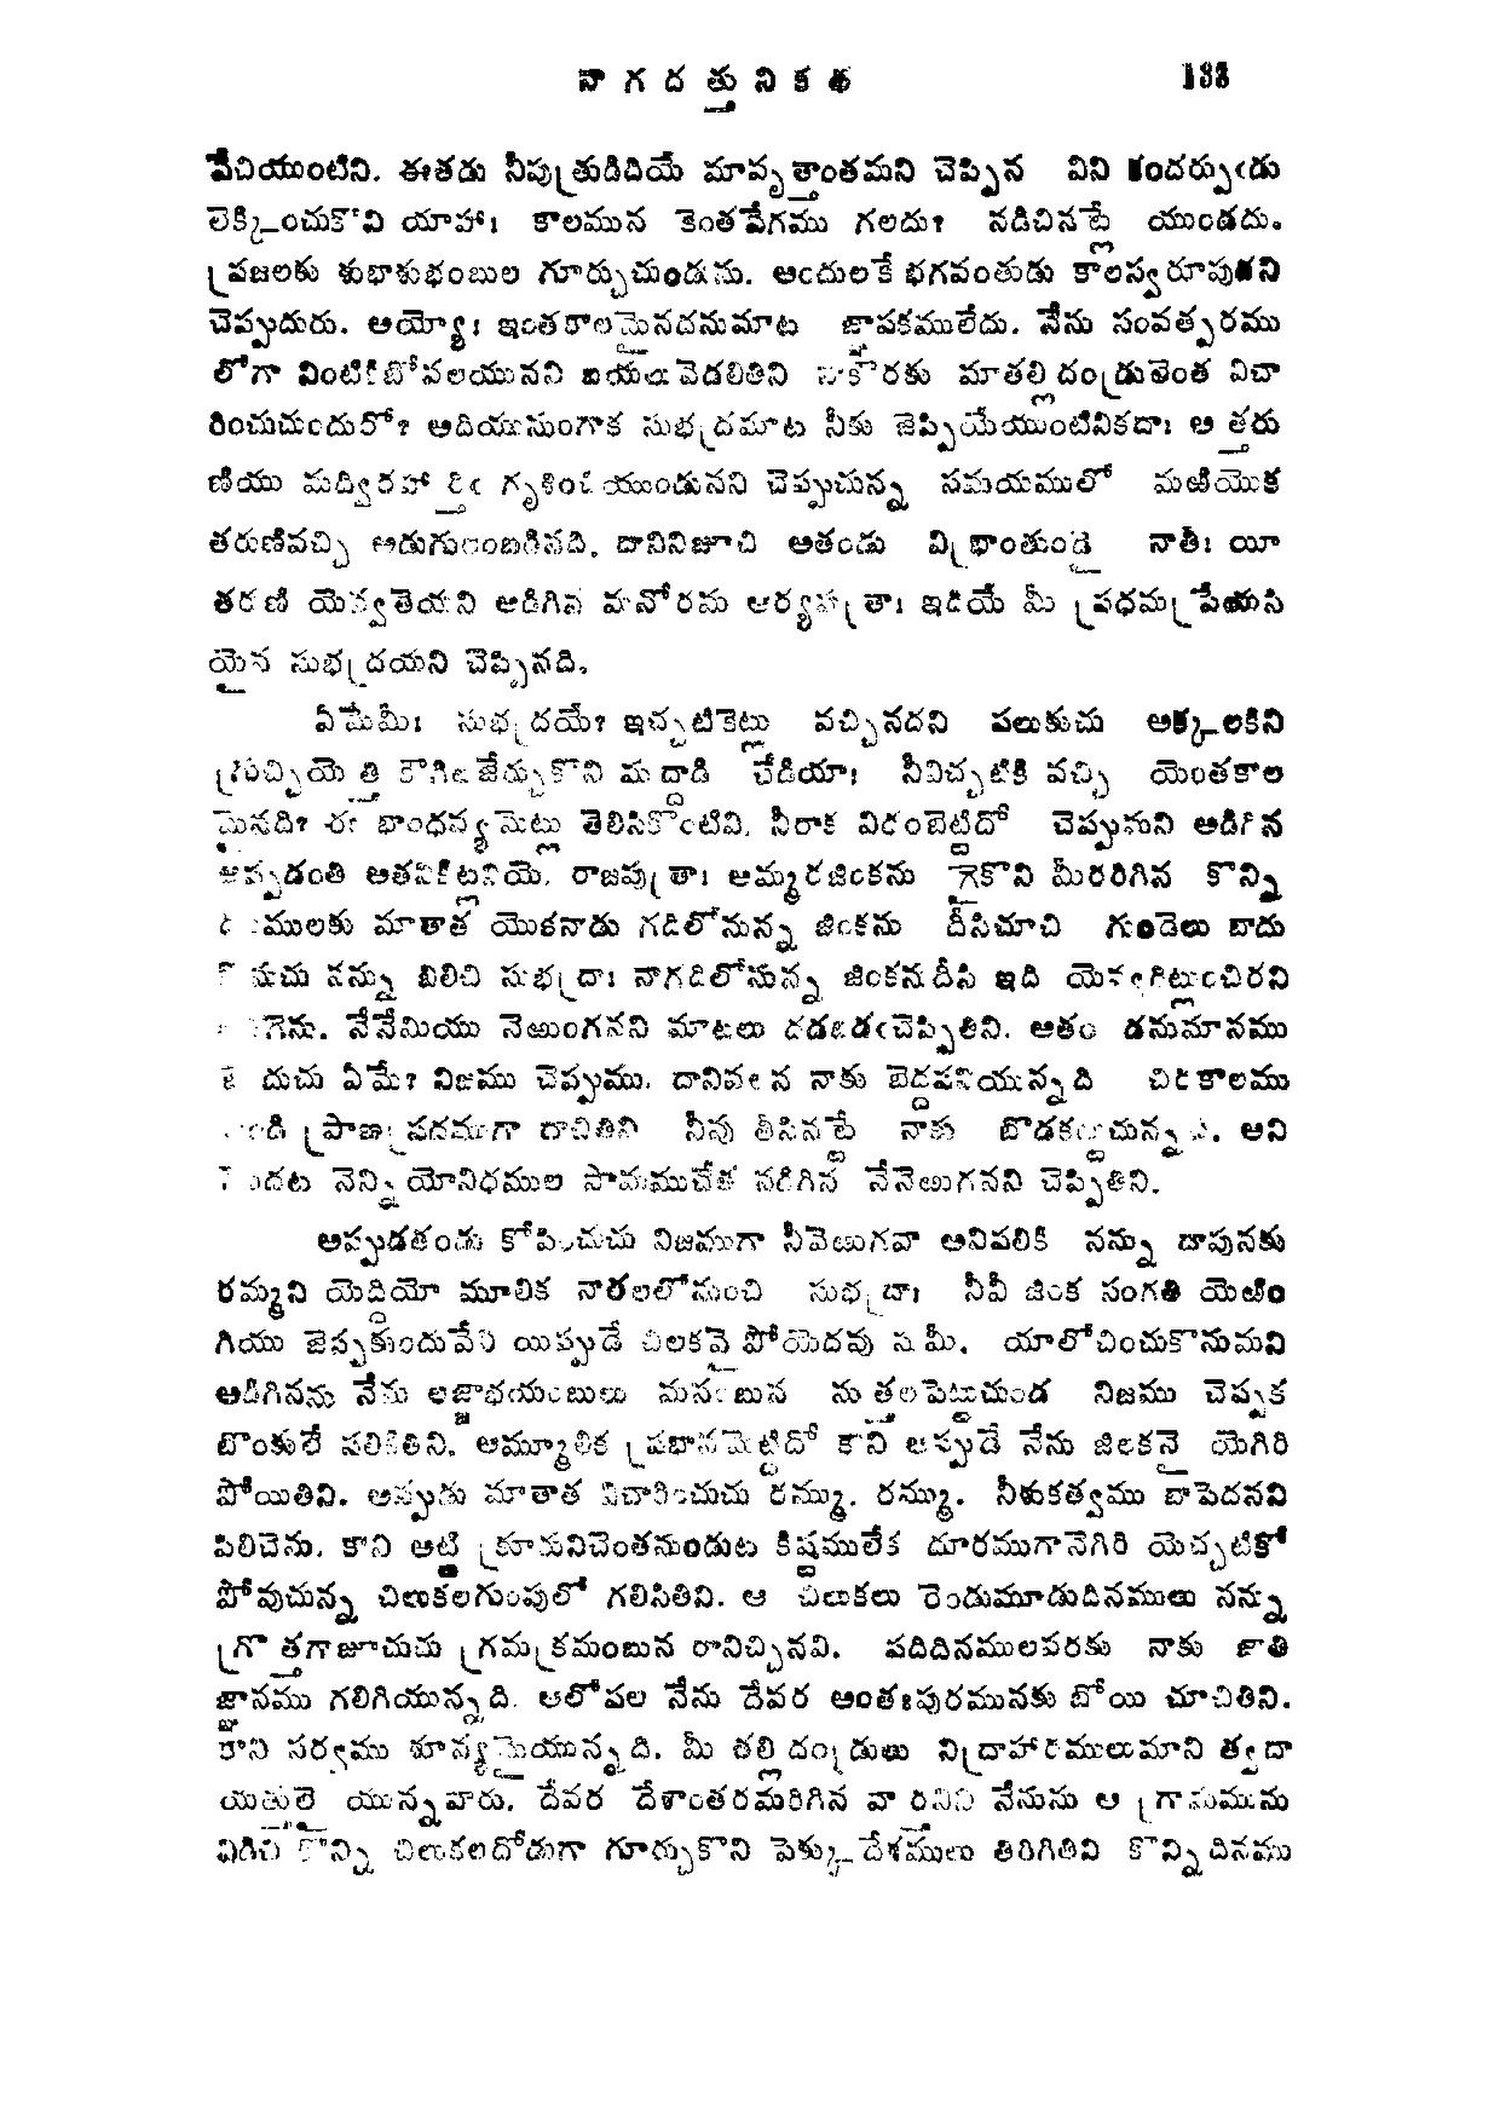వేచియుంటిని. ఈతడు నీపుత్రు డిదియే మావృత్తాంతమని చెప్పిన విని కందర్పుఁడు లెక్కించుకొని యాహా! కాలమున కెంతవేగము గలదు? నడిచినట్లే యుండదు. ప్రజలకు శుభాశుభంబుల గూర్చుచుండును. ఆందులకే భగవంతుడు కాలస్వరూపుడని చెప్పుదురు. అయ్యో! ఇంతకాలమైనదనుమాట జ్ఞాపకములేదు. నేను సంవత్సరములోగా నింటికిబోవలయునని బయలువెడలితిని నాకొరకు మాతల్లిదండ్రులెంత విచారించుచుందురో? అదియునుంగాక సుభద్రమాట నీకు జెప్పియేయుంటినికదా? అత్తరుణియు మద్విరహార్తిఁ గృశించియుండునని చెప్పుచున్న సమయములో మఱియొక తరుణివచ్చి అడుగులంబడినది. దానినిజూచి అతండు విభ్రాంతుండై నాతీ! యీ తరణి యెవ్వతెయని అడిగిన మనోరమ ఆర్యపుత్రా! ఇదియే మీ ప్రధమప్రేయసియైన సుభద్రయని చెప్పినది.

ఏమేమీ! సుభద్రయే? ఇచ్చటికెట్లు వచ్చినదని పలుకుచు అక్కలికిని గ్రుచ్చియెత్తి కౌగిటజేర్చుకొని ముద్దాడి చేడియా? నీవిచ్చటికి వచ్చి యెంతకాలమైనది? ఈ భాంధవ్య మెట్లు తెలిసికొంటివి. నీరాక విదంబెట్టిదో చెప్పుమని అడిగిన అప్పడంతి అతనికిట్లనియె. రాజపుత్రా! అమ్మరజింకను గైకొని మీరరిగిన కొన్ని దినములకు మాతాత యొకనాడు గదిలోనున్న జింకను దీసిచూచి గుండెలు బాదుకొనుచు నన్ను బిలిచి సుభద్రా! నాగదిలోనున్న జింకనుదీసి ఇది యెవ్వరిట్లుంచిరని నడిగెను. నేనేమియు నెఱుంగనని మాటలు దడబడఁచెప్పితిని. ఆతం డనుమానము జెందుచు ఏమే? నిజము చెప్పుము. దానివలన నాకు బెద్దపనియున్నది చిరకాలము నుండి ప్రాణప్రదముగా దాచితిని. నీవు తీసినట్టే నాకు బొడకట్టుచున్నది. అని మొదట నెన్ని యోవిధముల సామముచేత నడిగిన నేనెఱుగనని చెప్పితిని.

అప్పుడతండు కోపించుచు నిజముగా నీవెఱుగవా అనిపలికి నన్ను దాపునకు రమ్మని యెద్దియో మూలిక నాతలలోనుంచి సుభద్రా! నీవీ జింక సంగతి యెఱింగియు జెప్పకుందువేని యిప్పుడే చిలకవై పోయెదవు సుమీ. యాలోచించుకొనుమని అడిగినను నేను లజ్జాభయంబులు మనంబున మత్తలపెట్టుచుండ నిజము చెప్పక బొంకులే పలికితిని. ఆమ్మూలిక ప్రభావమెట్టిదో కాని అప్పుడే నేను జిలకనై యెగిరి పోయితిని. అప్పుడు మాతాత విచారించుచు రమ్ము. రమ్ము. నీశుకత్వము బాపెదనని పిలిచెను. కాని అట్టి క్రూరునిచెంతనుండుట కిష్టములేక దూరముగానెగిరి యెచ్చటికో పోవుచున్న చిలుకలగుంపులో గలిసితిని. ఆ చిలుకలు రెండుమూడుదినములు నన్ను గ్రొత్తగా జూచుచు గ్రమక్రమంబున రానిచ్చినవి. పదిదినములవరకు నాకు జాతి జ్ఞానము గలిగియున్నది. అలోపల నేను దేవర అంతఃపురమునకు బోయి చూచితిని. కాని సర్వము శూన్యమైయున్నది. మీ తల్లిదండ్రులు నిద్రాహారములుమాని త్వదాయత్తులై యున్నవారు. దేవర దేశాంతరమరిగిన వార్తవిని నేనును ఆ గ్రామమును విడిచి కొన్ని చిలకలదోడుగా గూర్చుకొని పెక్కు దేశములు తిరిగితిని కొన్ని దినము